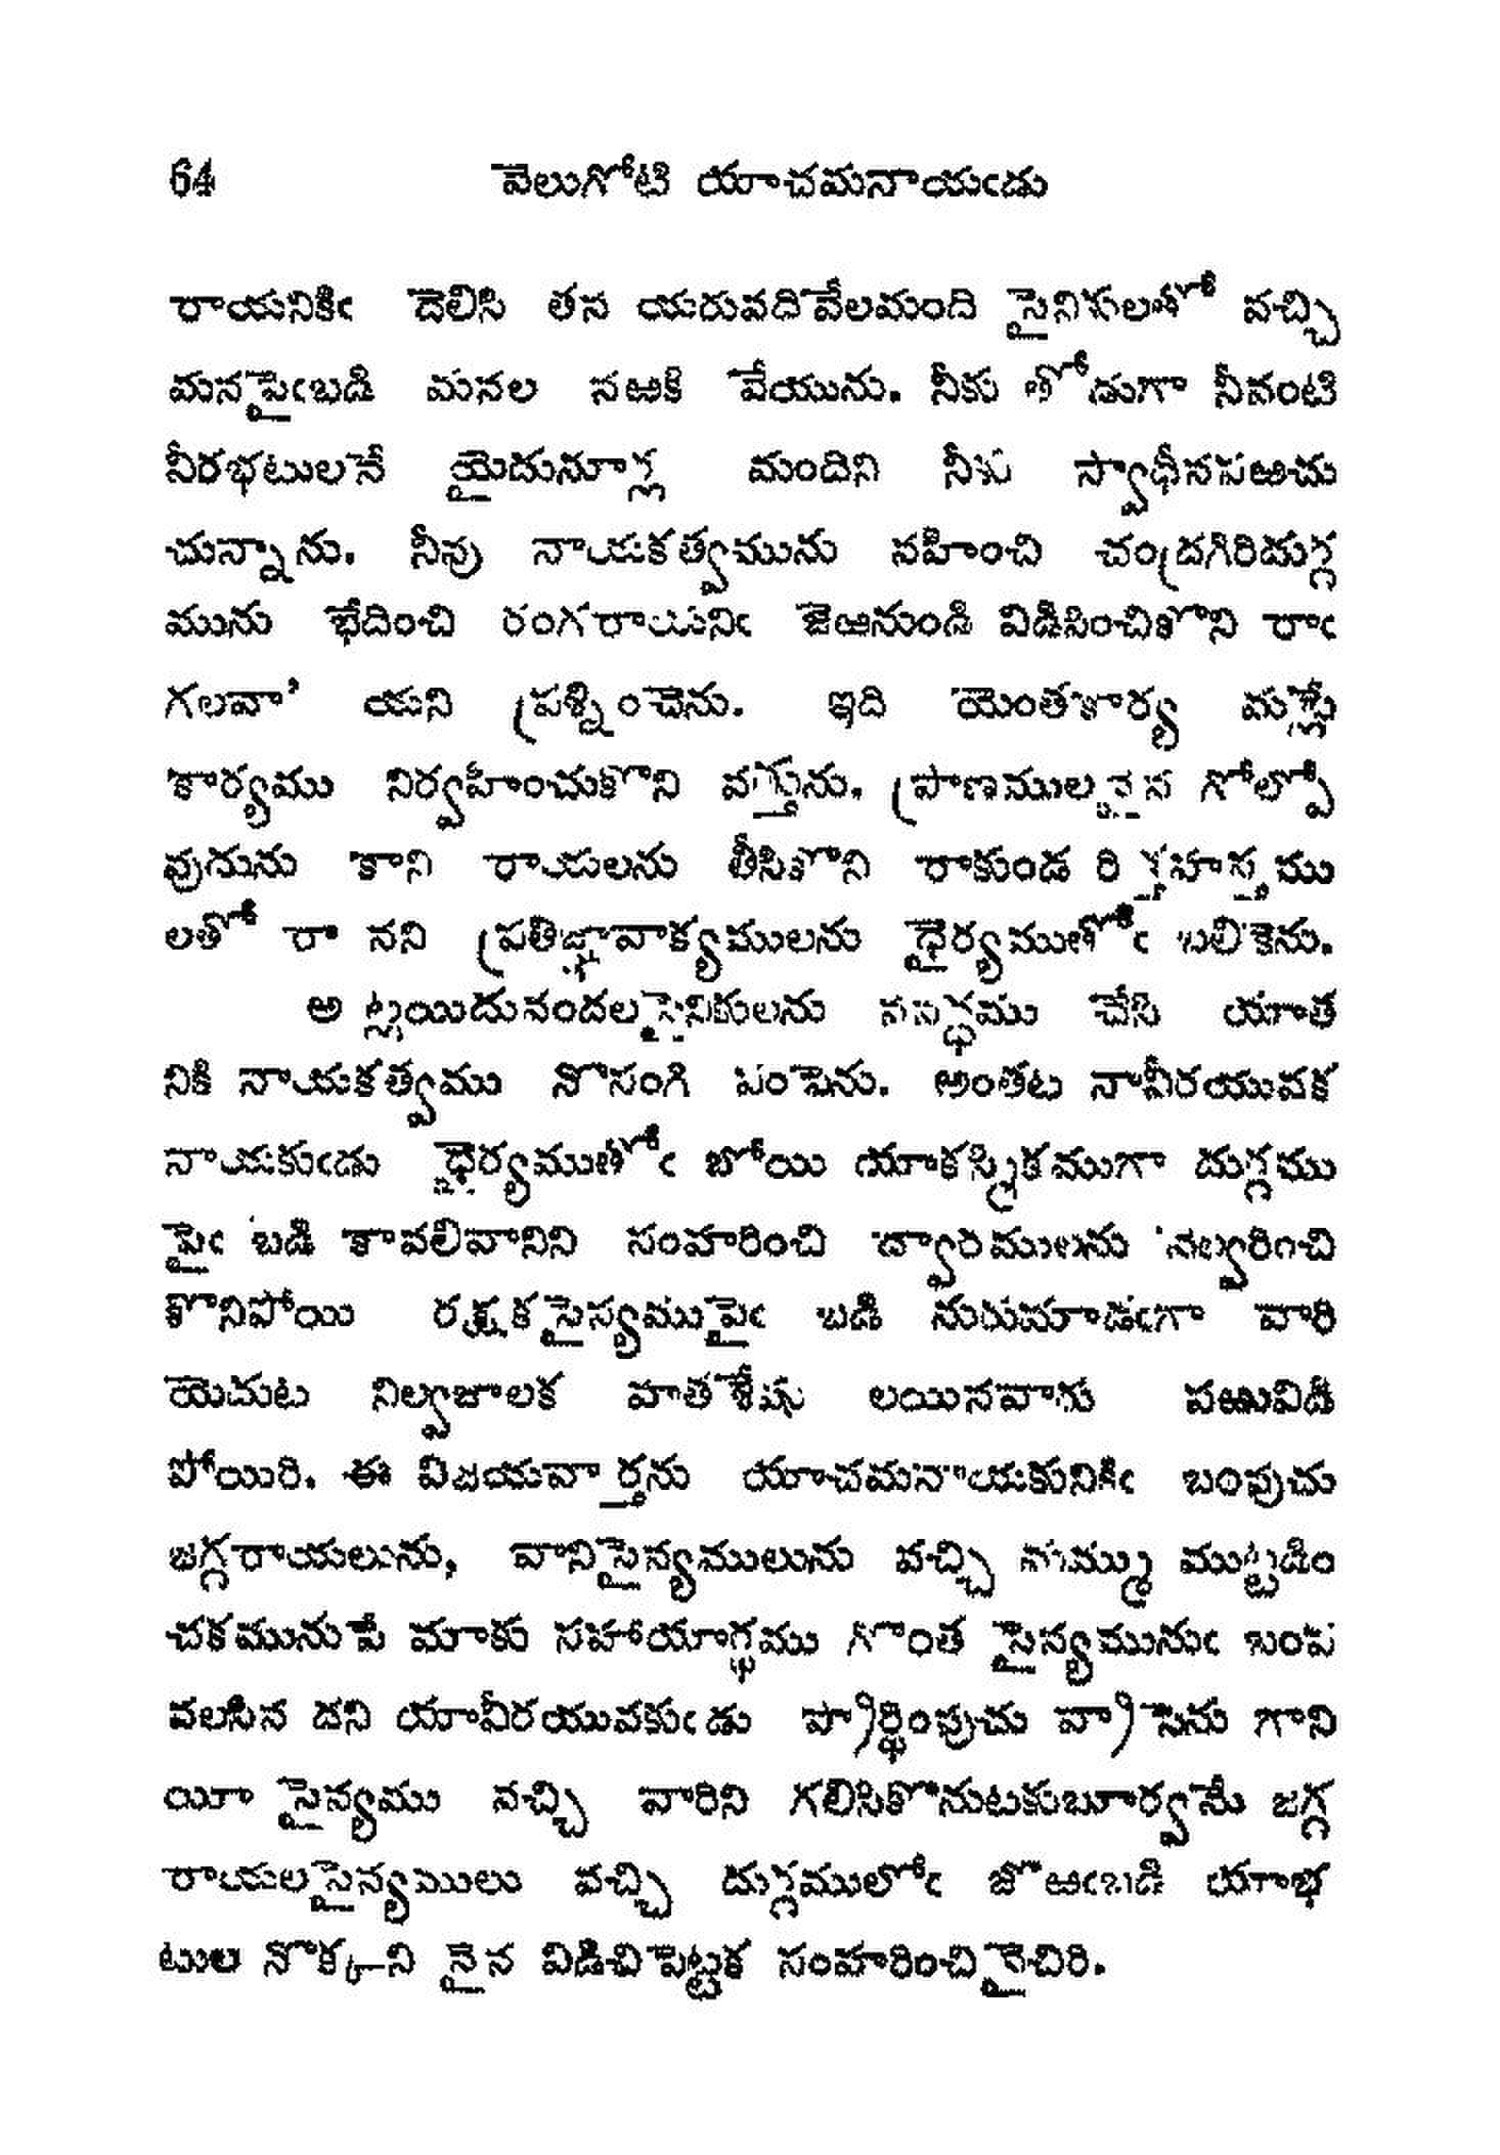రాయనికిఁ దెలిసి తన యరువదివేలమంది సైనికులతో వచ్చి మనపైఁబడి మనల నఱకి వేయును. నీకు తోడుగా నీవంటి వీరభటులనే యైదునూర్ల మందిని నీకు స్వాధీనపఱచు చున్నాను. నీవు నాయకత్వమును వహించి చంద్రగిరిదుర్గమును భేదించి రంగరాయనిఁ జెఱనుండి విడిపించికొని రాఁ గలవా' యని ప్రశ్నించెను. ఇది యెంతకార్య మట్లే కార్యము నిర్వహించుకొని వత్తును. ప్రాణములనైన గోల్పోవుదును కాని రాయలను తీసికొని రాకుండ రిక్తహస్తములతో రా నని ప్రతిజ్ఞావాక్యములను ధైర్యముతోఁ బలికెను.

అ ట్లయిదువందలసైనికులతను సనద్ధము చేసి యాతనికి నాయకత్వము నొసంగి పంపెను. అంతట నావీరయువక నాయకుఁడు ధైర్యముతోఁ బోయి యాకస్మికముగా దుర్గముపైఁ బడి కావలివానిని సంహరించి ద్వారములను వెల్వరించి కొనిపోయి రక్షకసైన్యముపైఁ బడి నురుమాడఁగా వారి యెదుట నిల్వజాలక హతశేషు లయినవారు పఱువిడి పోయిరి. ఈ విజయవార్తను యాచమనాయకునికిఁ బంపుచు జగ్గరాయలును, వానిసైన్యములును వచ్చి మమ్ము ముట్టడించకమునుపే మాకు సహాయార్థము గొంత సైన్యమునుఁ బంప వలసిన దని యావీరయువకుఁడు ప్రార్థింపుచు వ్రాసెను గాని యీ సైన్యము వచ్చి వారిని గలిసికొనుటకుబూర్వమే జగ్గరాయలసైన్యములు వచ్చి దుర్గములోఁ జొఱఁబడి యాభటుల నొక్కని విడిచిపెట్టక సంహరించివైచిరి.